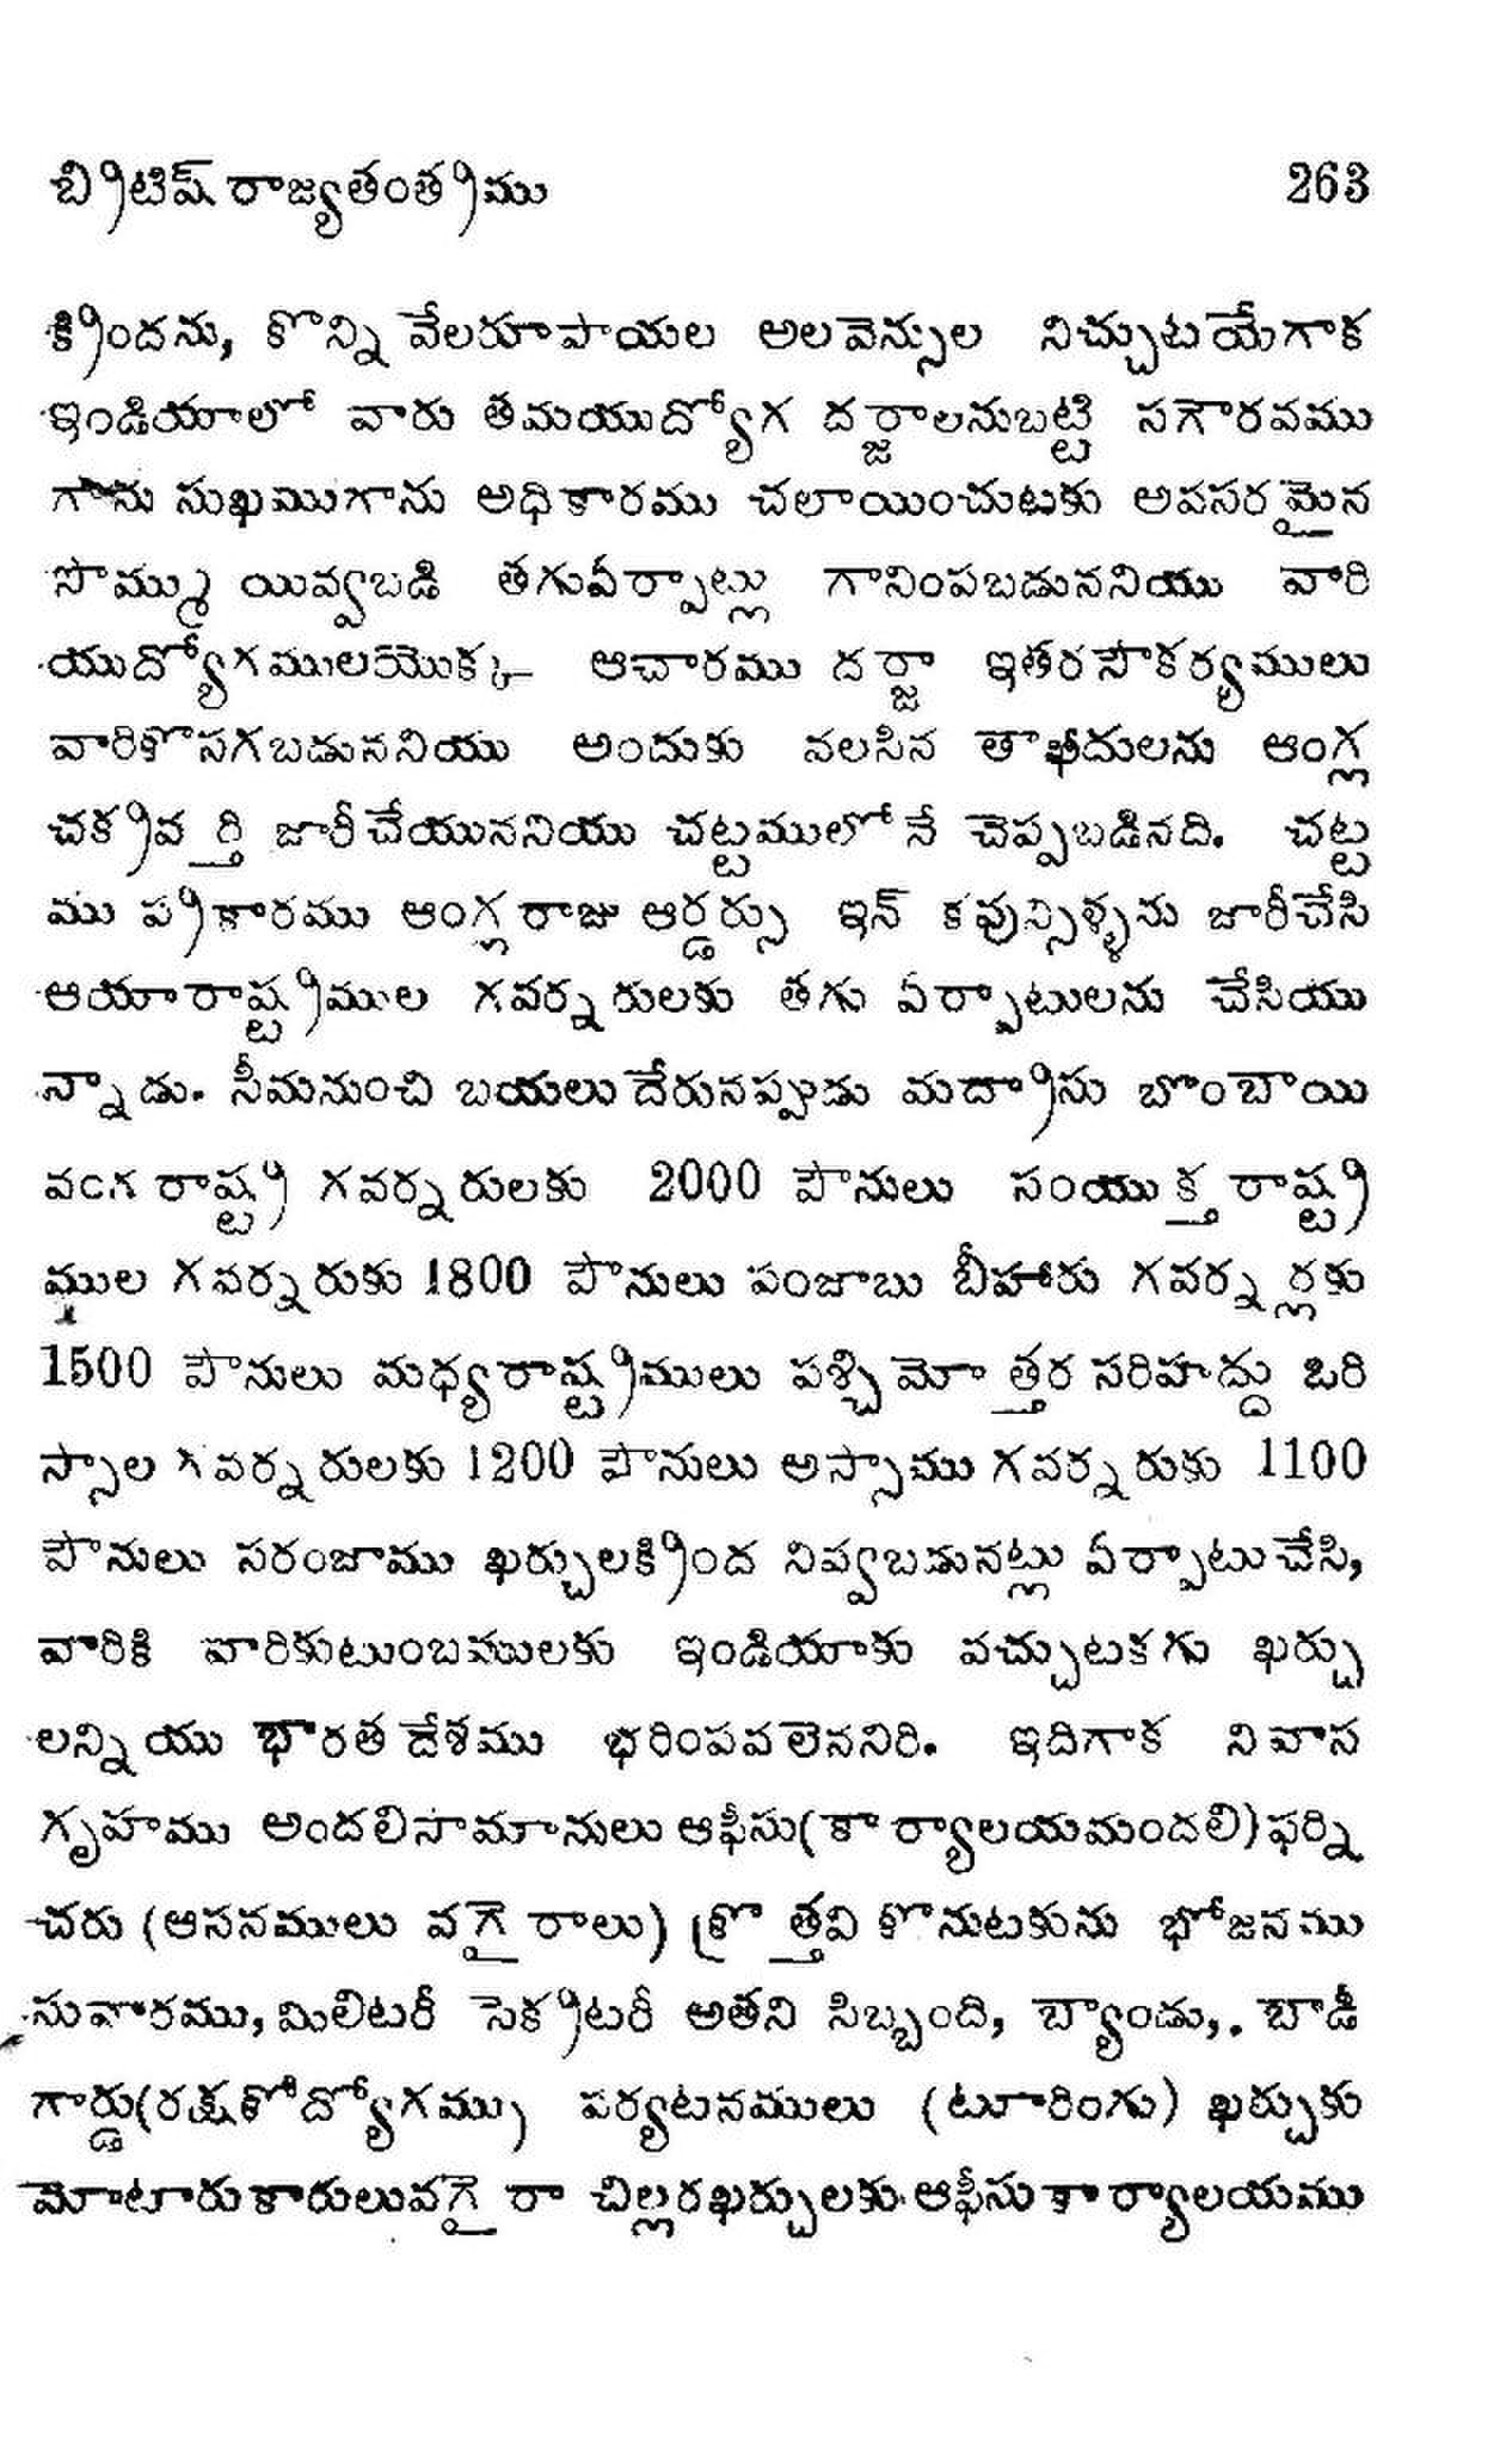క్రిందను, కొన్నివేలరూపాయల అలవెన్సుల నిచ్చుటయేగాక ఇండియాలో వారు తమయుద్యోగ దర్జాలనుబట్టి సగౌరవముగాను సుఖముగాను అధికారము చలాయించుటకు అవసరమైన సొమ్ము యివ్వబడి తగుఏర్పాట్లు గావింపబడుననియు వారి యుద్యోగములయొక్క ఆచారము దర్జా ఇతరసౌకర్యములు వారికొసగబడుననియు అందుకు వలసిన తాఖీదులను ఆంగ్లచక్రవర్తి జారీచేయుననియు చట్టములోనే చెప్పబడినది. చట్టము ప్రకారము ఆంగ్లరాజు ఆర్డర్సు ఇన్ కవున్సిళ్ళను జారీచేసి ఆయారాష్ట్రముల గవర్నరులకు తగు ఏర్పాటులను చేసియున్నాడు. సీమనుంచి బయలుదేరునప్పుడు మద్రాసు బొంబాయి వంగరాష్ట్ర గవర్నరులకు 2000 పౌనులు సంయుక్త రాష్ట్రముల గవర్నరుకు 1800 పౌసులు పంజాబు బీహారు గవర్నర్లకు 1500 పౌనులు మధ్యరాష్ట్రములు పశ్చిమోత్తర సరిహద్దు ఒరిస్సాల గవర్నరులకు 1200 పౌనులు అస్సాము గవర్నరుకు 1100 పౌనులు సరంజాము ఖర్చులక్రింద నివ్వబడునట్లు ఏర్పాటుచేసి, వారికి వారికుటుంబములకు ఇండియాకు వచ్చుటకగు ఖర్చులన్నియు భారతదేశము భరింపవలెననిరి. ఇదిగాక నివాస గృహము అందలిసామానులు ఆఫీసు (కార్యాలయమందలి) ఫర్నిచరు (ఆసనములు వగైరాలు) క్రొతవి కొనుటకును భోజనము సువారము, మిలిటరీ సెక్రటరీ అతని సిబ్బంది, బ్యాండు,, బాడీగార్డు(రక్షకోద్యోగము) పర్యటనములు (టూరింగు) ఖర్చుకు మోటారుకారులువగైరా చిల్లరఖర్చులకు ఆఫీసు కార్యాలయము